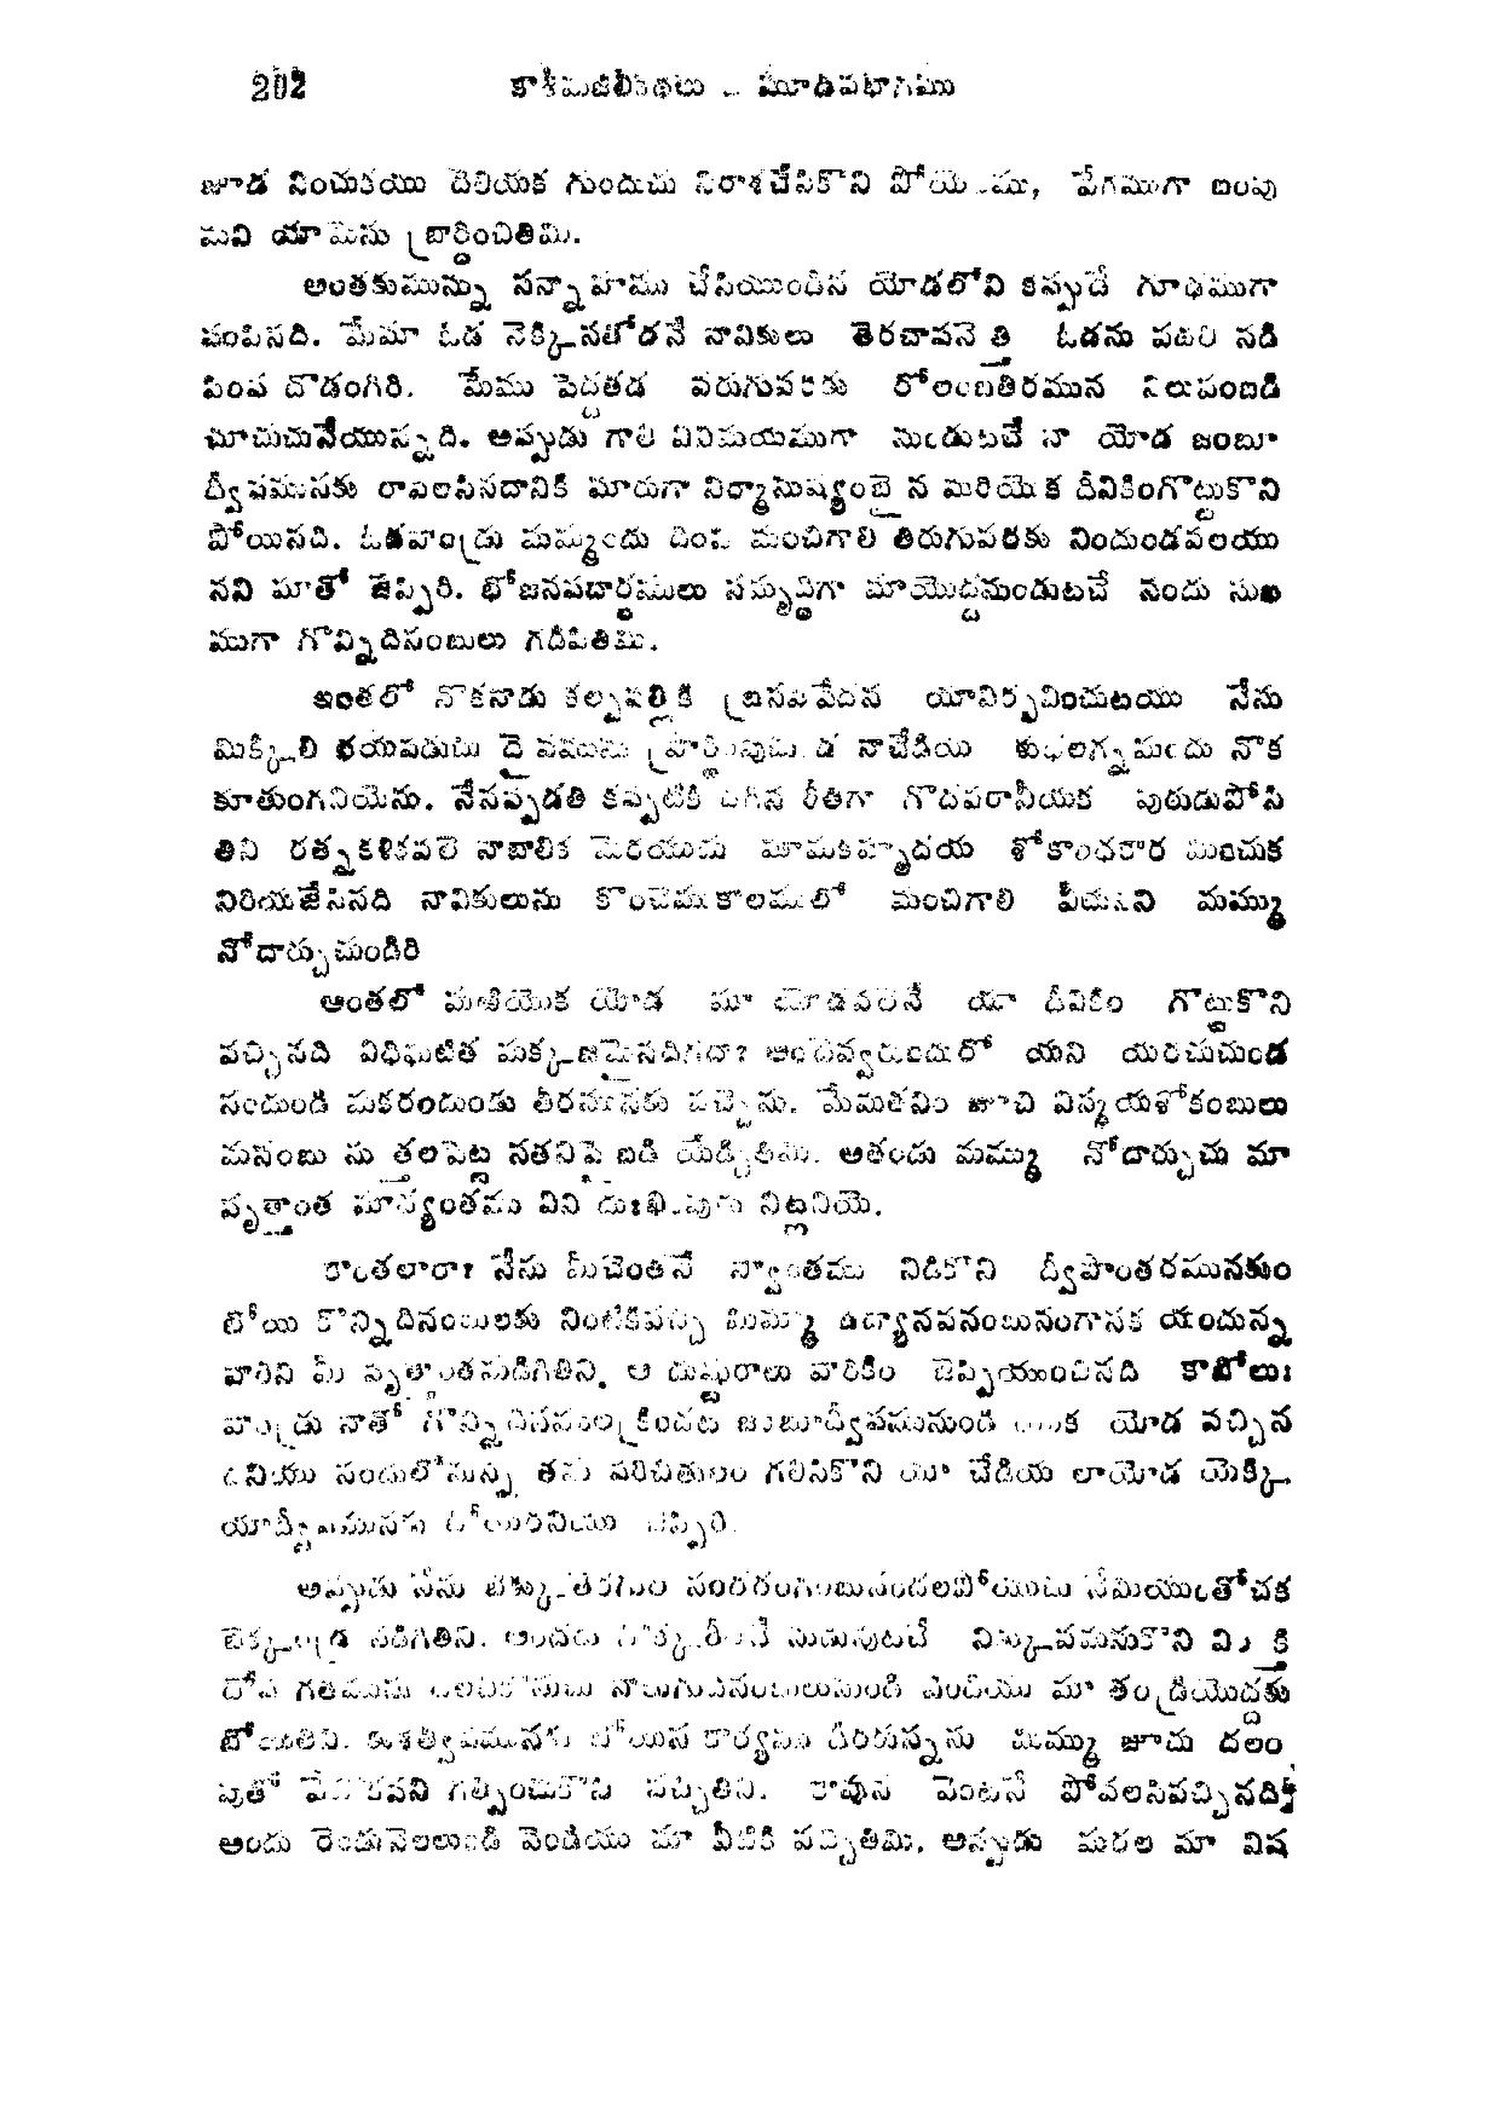జూడ నించుకయు దెలియక గుందుచు నిరాశచేసికొని పోయెదము, వేగముగా బంపుమని యామెను బ్రార్థించితిమి.

అంతకుమున్ను సన్నాహము చేసియుండిన యోడలోని కప్పుడే గూఢముగా పంపినది. మేమా ఓడ నెక్కినతోడనే నావికులు తెరచాపనెత్తి ఓడను వదలి నడిపింప దొడంగిరి. మేము పెద్దతడ వరుగువరకు రోలంబ తీరమున నిలువంబడి చూచుచునే యున్నది. అప్పుడు గాలి వినిమయముగా నుండుటచే నా యోడ జంబూద్వీపమునకు రావలసినదానికి మారుగా నిర్మానుష్యంబైన మరియెక దీవికింగొట్టుకొని
పోయినది. ఓడవాండ్రు మమ్మందు దింపి మంచిగాలి తిరుగువరకు నిందుండవలయునని మాతో జెప్పిరి. భోజనపదార్దములు సమృద్ధిగా మాయొద్దనుండుటచే నందు సుఖముగా గొన్నిదినంబులు గడిపితిమి.

ఇంతలో నొకనాడు కల్పవల్లికి బ్రసవవేదన యావిర్బవించుటయు నేను మిక్కిలి భయపడుచు దైవమును పార్థింపుచుండ నా చేడియ శుభలగ్నమందు నొక కూతుంగనియెను. నేనప్పడతి కప్పటికి దగిన రీతిగా గొదవరానీయక పురుడుపోసితిని రత్నకళికవలె నాబాలిక మెరయుచు మామకహృదయ శోకాంధకార మించుక విరియజేసినది నావికులును కొంచముకాలములో మంచిగాలి వీచునని మమ్ము 
నోదార్చుచుండిరి.

అంతలో మఱియొక యోడ మా యోడవలెనే యా దీవికిం గొట్టుకొని వచ్చినది విధిఘటిత మక్కజమైనదిగదా? అందెవ్వరుందురో యని యరచుచుండ నందుండి మకరందుండు తీరమునకు వచ్చెను. మేమతనిం జూచి విస్మయశోకంబులు మనంబు నుత్తలపెట్ట నతనిపై బడి యేడ్చితిమి. అతండు మమ్ము నోదార్చుచు మా వృత్తాంత మాద్యంతము విని దుఃఖింపుచు నిట్లనియె.

కాంతలారా? నేను మీచెంతనే స్వాంతము నిడికొని ద్వీపాంతరమునకుం బోయి కొన్నిదినంబులకు నింటికివచ్చి మిమ్మా ఉద్యానవనంబునంగానక యందున్న వారిని మీ వృత్తాంతమడిగితిని. ఆ దుష్టురాలు వారికిం జెప్పియుంచినది కాబోలు? వాండ్రు నాతో గొన్నిదినములక్రిందట జంబూద్వీపమునుండి యొక యోడ వచ్చినదనియు నందులోనున్న తమ పరిచితులం గలిసికొని యా చేడియ లాయోడ యెక్కి, యాద్వీపమునకు బోయిరనియు జెప్పిరి.

అప్పుడు నేను బెక్కుతెరగుల నంతరంగంబునందలపోయుచు నేమియుంతోచక బెక్కండ్ర నడిగితిని. అందరు నొక్కరీతినే నుడుపుటచే నిక్కువమనికొని విరక్తి దోప గతమును దలచికొనుచు నాలుగుదినంబులునుండి వెండియు మా తండ్రియొద్దకు బోయితిని. కుశద్వీపమునకు బోయిన కార్యము దీరకున్నను మిమ్ము జూచు దలంపుతో వేఱొకపని గల్పించుకొని వచ్చితిని. కావున వెంటనే పోవలసివచ్చినది అందు రెండునెలలుండి వెండియు మా వీటికి వచ్చితిని. అప్పుడు మరల మా విష